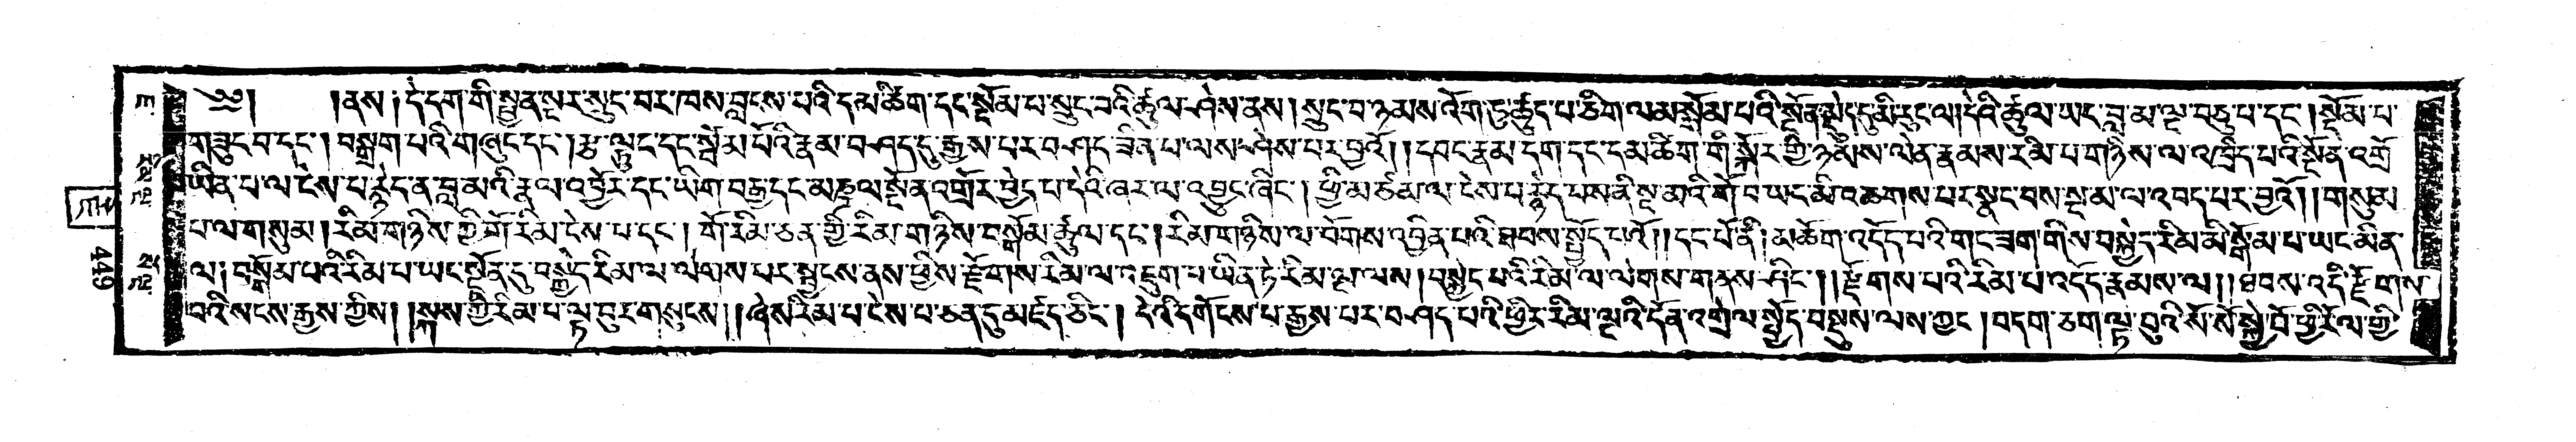༄༅། །ནས། དེ་དག་གི་སྤྱན་སྔར་སྲུང་བར་ཁས་བླངས་པའི་དམ་ཚིག་དང་སྡོམ་པ་སྲུང་བའི་ཚུལ་ཤེས་ནས། སྲུང་བ་ཉམས་འོག་ཏུ་ཚུད་པ་ཅིག་ལམ་སྒོམ་པའི་སྔོན་དུ་མེད་དུ་མི་རུང་ལ། དེའི་ཚུལ་ཡང་བླ་མ་ལྔ་བཅུ་པ་དང་། སྡོམ་པ་
གཟུང་བ་དང་། བསྒྲག་པའི་གཞུང་དང་། རྩ་ལྟུང་དང་སྦོམ་པོའི་རྣམ་བཤད་དུ་རྒྱས་པར་བཤད་ཟིན་པ་ལས་ཤེས་པར་བྱའོ། །དབང་རྣམ་དག་དང་དམ་ཚིག་གི་སྐོར་གྱི་ཉམས་ལེན་རྣམས་རིམ་པ་གཉིས་ལ་འཁྲིད་པའི་སྔོན་འགྲོ་
ཡིན་པ་ལ་ངེས་པ་རྙེད་ན་བླ་མའི་རྣལ་འབྱོར་དང་ཡིག་བརྒྱ་དང་མཎྜལ་སྔོན་འགྲོར་བྱེད་པ་དེའི་ཞར་ལ་འབྱུང་ཞིང་། ཕྱི་མ་ཙམ་ལ་ངེས་པ་རྙེད་པས་ནི་སྔ་མའི་གོ་བ་ཡང་མི་འཆགས་པར་སྣང་བས་སྔ་མ་ལ་འབད་པར་བྱའོ། །གསུམ་
པ་ལ་གསུམ། རིམ་གཉིས་ཀྱི་གོ་རིམ་ངེས་པ་དང་། གོ་རིམ་ཅན་གྱི་རིམ་གཉིས་བསྒོམ་ཚུལ་དང་། རིམ་གཉིས་ལ་བོགས་འབྱིན་པའི་ཐབས་སྤྱོད་པའོ། །དང་པོ་ནི། མཆོག་འདོད་པའི་གང་ཞག་གིས་བསྐྱེད་རིམ་མི་སྒོམ་པ་ཡང་མིན་
ལ༑ བསྒོམ་པའི་རིམ་པ་ཡང་སྔོན་དུ་བསྐྱེད་རིམ་ལ་ལེགས་པར་སྦྱངས་ནས་ཕྱིས་རྫོགས་རིམ་ལ་འཇུག་པ་ཡིན་ཏེ་རིམ་ལྔ་ལས། བསྐྱེད་པའི་རིམ་ལ་ལེགས་གནས་ཤིང་། །རྫོགས་པའི་རིམ་པ་འདོད་རྣམས་ལ། །ཐབས་འདི་རྫོགས་
པའི་སངས་རྒྱས་ཀྱིས། །སྐས་ཀྱི་རིམ་པ་ལྟ་བུར་གསུངས། །ཞེས་རིམ་པ་ངེས་པ་ཅན་དུ་མཛད་ཅིང་། དེའི་དགོངས་པ་རྒྱས་པར་བཤད་པའི་ཕྱིར་རིམ་ལྔའི་དོན་འགྲེལ་སྤྱོད་བསྡུས་ལས་ཀྱང་། བདག་ཅག་ལྟ་བུའི་སོ་སོ་སྐྱེ་བོ་ཕྱི་རོལ་གྱི་